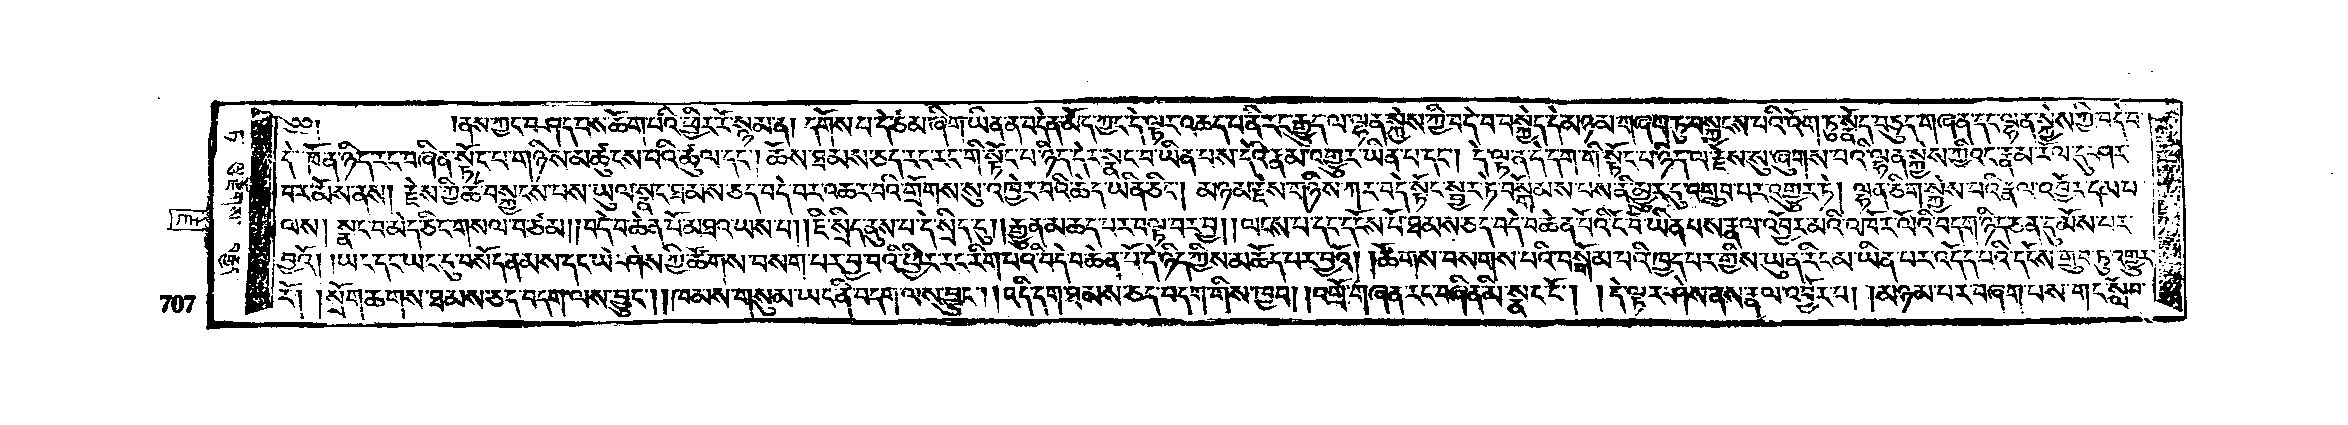༄༅། །ནས་ཀྱང་བཤད་པས་ཆོག་པའི་ཕྱིར་རོ་སྙམ་ན། དགོས་པ་དེ་ཙམ་ཞིག་ཡིན་ན་བདེན་མོད་ཀྱང་དེ་ལྟར་འཆད་པ་ནི་རང་རྒྱུད་ལ་ལྷན་སྐྱེས་ཀྱི་བདེ་བ་བསྐྱེད་དེ་མཉམ་གཞག་ཏུ་བསྐྱངས་པའི་འོག་ཏུ་སྣོད་བཅུད་གཞན་དང་ལྷན་སྐྱེས་ཀྱི་བདེ་བ་
དེ་ཁོ་ན་ཉིད་རང་བཞིན་སྟོང་པ་གཉིས་མཚུངས་པའི་ཚུལ་དང་། ཆོས་ཐམས་ཅད་རང་རང་གི་སྟོང་པ་ཉིད་དེར་སྣང་བ་ཡིན་པས་དེའི་རྣམ་འགྱུར་ཡིན་པ་དང་། དེ་ལྟ་ན་དེ་དག་གི་སྟོང་པ་ཉིད་ལ་རྗེས་སུ་ཞུགས་པའི་ལྷན་སྐྱེས་ཀྱིའང་རྣམ་རོལ་དུ་ཤར་
བར་མོས་ནས། རྗེས་ཀྱི་ཚེ་བསྐྱངས་པས་ཡུལ་སྣང་ཐམས་ཅད་བདེ་བར་འཆར་བའི་གྲོགས་སུ་འཁྱེར་བའི་ཆེད་ཡིན་ཅིང་། མཉམ་རྗེས་གཉིས་ཀར་བདེ་སྟོང་སྦྱར་ཏེ་བསྒོམས་པས་ནི་མྱུར་དུ་འགྲུབ་པར་འགྱུར་ཏེ། ལྷན་ཅིག་སྐྱེས་པའི་རྣལ་འབྱོར་དམ་པ་
ལས། སྣང་བ་མེད་ཅིང་གསལ་བ་ཙམ། །བདེ་བ་ཆེན་པོ་མཐའ་ཡས་པ། །ཇི་སྲིད་ནུས་པ་དེ་སྲིད་དུ། །རྒྱུན་མ་ཆད་པར་བལྟ་བར་བྱ། །ལངས་པ་དང་དངོས་པོ་ཐམས་ཅད་བདེ་བ་ཆེན་པོའི་ངོ་བོ་ཡིན་པས་རྣལ་འབྱོར་མའི་འཁོར་ལོའི་བདག་ཉིད་ཅན་དུ་མོས་པར་
བྱའོ། །ཡང་དང་ཡང་དུ་བསོད་ནམས་དང་ཡེ་ཤེས་ཀྱི་ཚོགས་བསག་པར་བྱ་བའི་ཕྱིར་རང་རིག་པའི་བདེ་བ་ཆེན་པོ་དེ་ཉིད་ཀྱིས་མཆོད་པར་བྱའོ། །ཚོགས་བསགས་པའི་བསྒོམ་པའི་ཁྱད་པར་གྱིས་ཡུན་རིང་མ་ཡིན་པར་འདོད་པའི་དངོས་གྲུབ་ཏུ་འགྱུར་
རོ། །སྲོག་ཆགས་ཐམས་ཅད་བདག་ལས་བྱུང་། །ཁམས་གསུམ་ཡང་ནི་བདག་ལས་བྱུང་། །འདི་དག་ཐམས་ཅད་བདག་གིས་ཁྱབ། །འགྲོ་གཞན་རང་བཞིན་མི་སྣང་ངོ། །དེ་ལྟར་ཤེས་ནས་རྣལ་འབྱོར་པ། །མཉམ་པར་བཞག་པས་གང་སློབ་